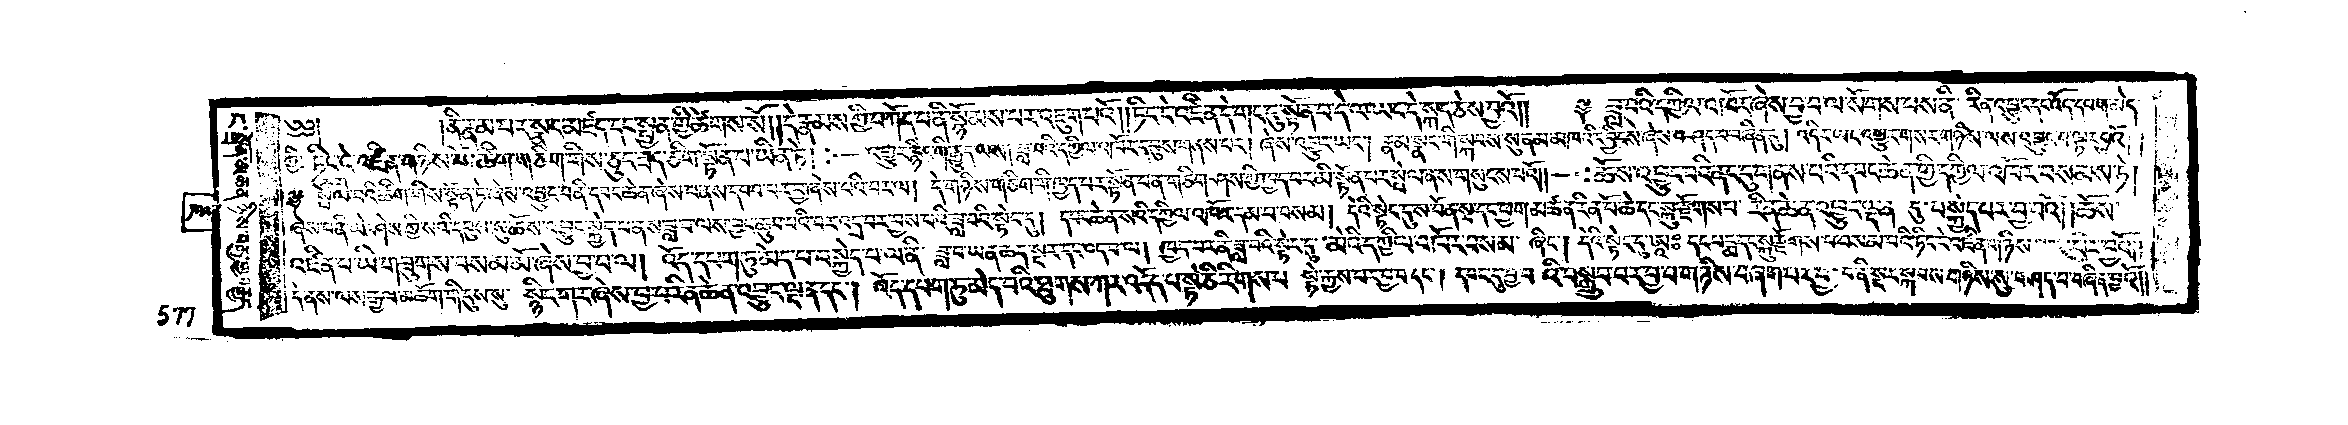༄༅། །ནི་རྣམ་པར་སྣང་མཛད་དང་སྤྱན་གྱི་ཚེགས་སོ། །དེ་རྣམས་ཀྱི་བཀོད་པ་ནི་སྙོམས་པར་འཇུག་པའོ། །ཏིང་ངེ་འཛིན་དེ་གང་དུ་སྟོན་པ་དེ་ལ་ཡང་དེ་སྐད་ཅེས་བྱའོ།། ༈ ཟླ་བའི་དཀྱིལ་འཁོར་ཞེས་བྱ་བ་ལ་སོགས་པས་ནི་རིན་འབྱུང་དང་འོད་དཔག་མེད་
ཀྱི་ཏིང་ངེ་འཛིན་གཉིས་པོ་ཚིག་གཅིག་གིས་ཅུང་ཟད་ཅིག་སྟོན་པ་ཡིན་ཏེ།H.་འགྱུར་རྙིང་གི་རྒྱུད་ལས། ཟླ་བའི་དཀྱིལ་འཁོར་དབུས་གནས་པར། ཞེས་འབྱུང་ཡང་། རྣམ་སྣང་གི་སྐབས་སུ་ནམ་མཁའི་དབྱིངས་ཞེས་བཤད་པ་བཞིན་དུ། འདིར་ཡང་འགྱུར་གསར་གཉིས་ལས་འབྱུང་བ་ལྟར་བྱའོ། །
༧ཆག་སྤེལ་བའི་ཚིག་གིས་སྟོན་ཏེ་ཞེས་འབྱུང་བ་ནི་དབང་ཆེན་ཞེས་པ་ནས་དབབ་པར་བྱ་ཞེས་པའི་བར་ལ། དེ་གཉིས་གཅིག་གི་ཁྱད་པར་སྟོན་པ་ན་གཅིག་ཤས་ཀྱི་ཁྱད་པར་མི་སྟོན་པར་སྤེལ་ནས་གསུངས་པའོ།། .Hཆོས་འབྱུང་བའི་ནང་དུ་གནས་པའི་དབང་ཆེན་གྱི་དཀྱིལ་འཁོར་བསམས་ཏེ།
ཞེས་པ་ནི་ཡེ་ཤེས་ཀྱི་སའི་དབུས་སུ་ཆོས་འབྱུང་སྐྱེད་པ་ནས་ཟླ་བ་ལས་བྱང་ཆུབ་པའི་བར་འདྲ་བར་བྱས་པའི་ཟླ་བའི་སྟེང་དུ། དབང་ཆེན་སའི་དཀྱིལ་འཁོར་དམ་པ་བསམ། དེའི་སྟེང་དུ་ས་བོན་སྭ་དང་ཕྱག་མཚན་རིན་པོ་ཆེ་དང་སྐུ་རྫོགས་པ་རིན་ཆེན་འབྱུང་ལྡན་དུ་བསྐྱེད་པར་བྱ་བའོ། །ཆོས་
འཛིན་པ་ཡི་གཟུགས་བསམ་མོ་ཞེས་བྱ་བ་ལ། འོད་དཔག་ཏུ་མེད་པ་བསྐྱེད་པ་ལ་ནི་ཟླ་བ་ཡན་ཆད་སྔར་དང་འདྲ་བ་ལ། ཁྱད་པར་ནི་ཟླ་བའི་སྟེང་དུ་མེའི་དཀྱིལ་འཁོར་བསམ་ཞིང་། དེའི་སྟེང་དུ་ཨཱཿ དང་པདམ་དང་སྐུ་རྫོགས་པ་བསམ་པའི་ཏིང་ངེ་འཛིན་གཉིས་པར་བྱའོ།།
དེ་ནས་ལས་རྒྱལ་མཆོག་གི་དུས་སུ་སྙིང་གར་ཞེས་བྱ་བ་རིན་ཆེན་འབྱུང་ལྡན་དང་། འོད་དཔག་ཏུ་མེད་པའི་ཐུགས་ཀར་འདོད་པ་སྟེ་ཅི་རིགས་པ་སྟེ་རྒྱས་པར་བྱ་བ་དང་། དབང་དུ་བྱ་བའི་བསྒྲུབ་པར་བྱ་བ་གཉིས་བཞག་པར་བྱ་བ་ནི་སྔར་སྐབས་གཉིས་སུ་བཤད་པ་བཞིན་བྱའོ།།